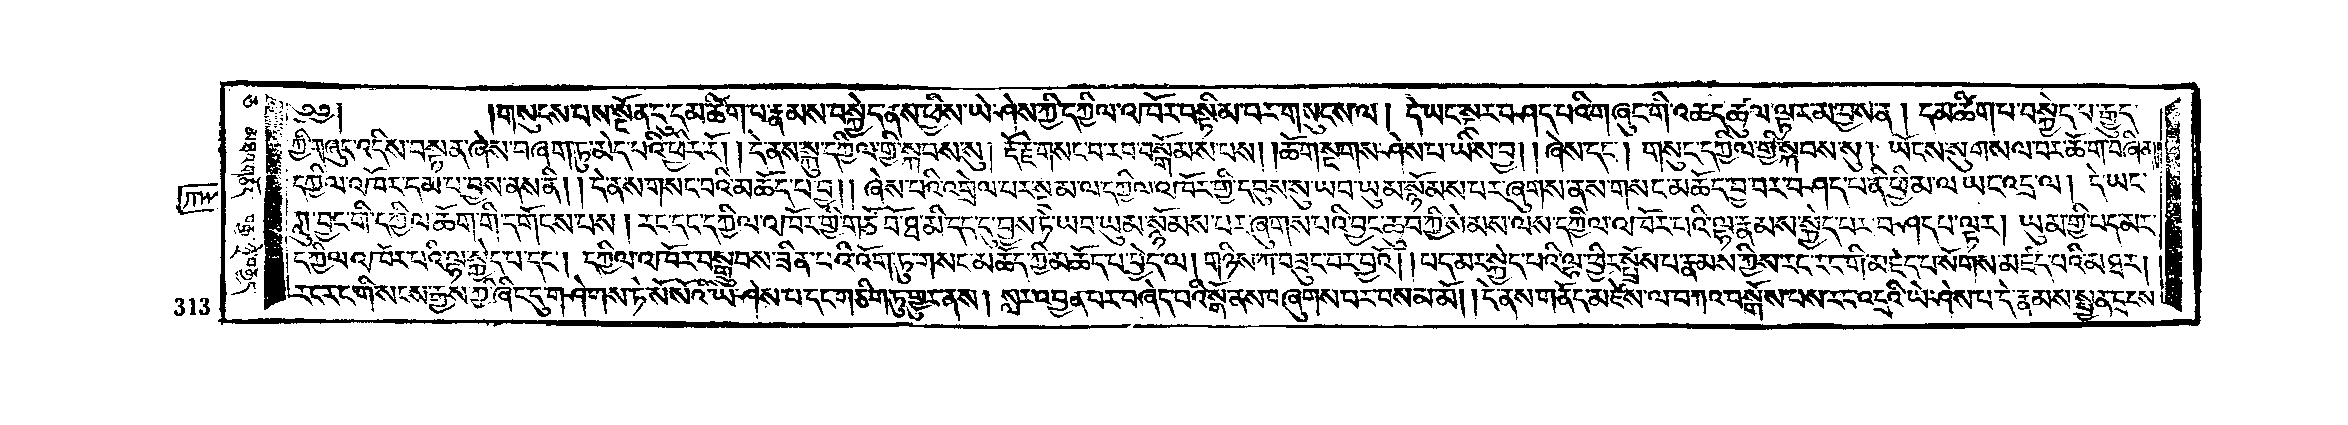༄༅། །གསུངས་པས་སྔོན་དུ་དམ་ཚིག་པ་རྣམས་བསྐྱེད་ནས་ཕྱིས་ཡེ་ཤེས་ཀྱི་དཀྱིལ་འཁོར་བསྟིམ་པར་གསུངས་ལ། དེ་ཡང་སྔར་བཤད་པའི་གཞུང་གི་འཆད་ཚུལ་ལྟར་མ་བྱས་ན། དམ་ཚིག་པ་བསྐྱེད་པ་རྒྱུད་
ཀྱི་གཞུང་འདིས་བསྟན་ཞེས་བཞག་ཏུ་མེད་པའི་ཕྱིར་རོ། །དེ་ནས་སྐུ་དཀྱིལ་གྱི་སྐབས་སུ། རྡོ་རྗེ་གསང་བ་རབ་བསྒོམས་པས། །ཆོ་ག་སྔགས་ཤེས་པ་ཡིས་བྱ། །ཞེས་དང་། གསུང་དཀྱིལ་གྱི་སྐབས་སུ། ཡོངས་སུ་གསལ་བར་ཆོ་ག་བཞིན། །
དཀྱིལ་འཁོར་དམ་པ་བྱས་ནས་ནི། །དེ་ནས་གསང་བའི་མཆོད་པ་བྱ། །ཞེས་པའི་འགྲེལ་པར་སྔ་མ་ལ་དཀྱིལ་འཁོར་གྱི་དབུས་སུ་ཡབ་ཡུམ་སྙོམས་པར་ཞུགས་ནས་གསང་མཆོད་བྱ་བར་བཤད་པ་ནི་ཕྱི་མ་ལ་ཡང་འདྲ་ལ། དེ་ཡང་
ཀླུ་བྱང་གི་དཀྱིལ་ཆོག་གི་དགོངས་པས། རང་དང་དཀྱིལ་འཁོར་གྱི་གཙོ་བོ་ཐ་མི་དད་དུ་བྱས་ཏེ་ཡབ་ཡུམ་སྙོམས་པར་ཞུགས་པའི་བྱང་ཆུབ་ཀྱི་སེམས་ལས་དཀྱིལ་འཁོར་པའི་ལྷ་རྣམས་སྐྱེད་པར་བཤད་པ་ལྟར། ཡུམ་གྱི་པད་མར་
དཀྱིལ་འཁོར་པའི་ལྷ་སྐྱེད་པ་དང་། དཀྱིལ་འཁོར་བསྒྲུབས་ཟིན་པའི་འོག་ཏུ་གསང་མཆོད་ཀྱི་མཆོད་པ་བྱེད་ལ། གཉིས་ཀ་བཟུང་བར་བྱའོ། །པད་མར་སྐྱེད་པའི་ལྷ་ཕྱིར་སྤྲོས་པ་རྣམས་ཀྱིས་རང་རང་གི་མཛད་པ་སོགས་མཛད་པའི་མཐར།
རང་རང་གི་སངས་རྒྱས་ཀྱི་ཞིང་དུ་གཤེགས་ཏེ་སོ་སོའི་ཡེ་ཤེས་པ་དང་གཅིག་ཏུ་གྱུར་ནས། སླར་འབྱིན་པར་བཞེད་པའི་སྒོ་ནས་བཞུགས་པར་བསམ་མོ། །དེ་ནས་གནོད་མཛེས་ལ་བཀའ་བསྒོས་པས་རང་འདྲའི་ཡེ་ཤེས་པ་དེ་རྣམས་སྤྱན་དྲངས་